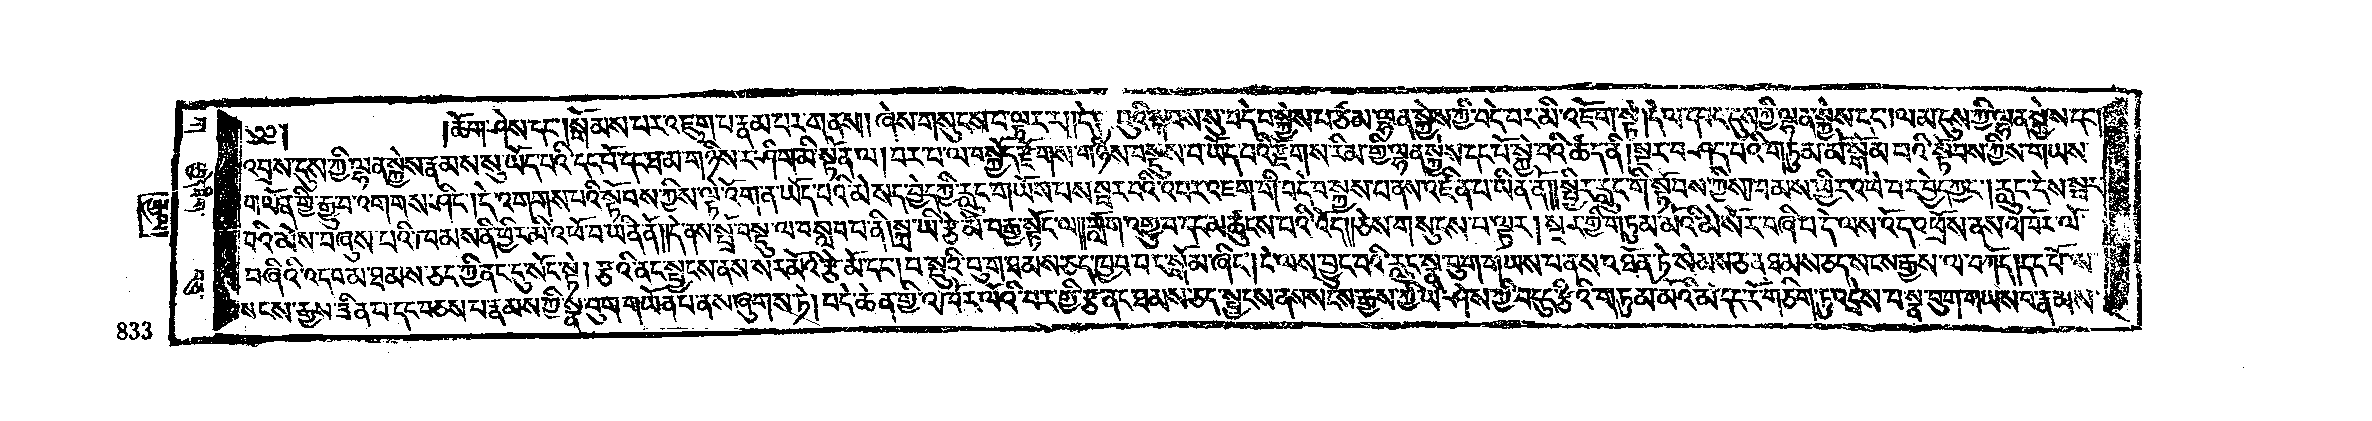༄༅། །ཆོག་ཤེས་དང་། སྒོམས་པར་འཇུག་པ་རྣམ་པར་གནས། །ཞེས་གསུངས་པ་ལྟར་རོ། །དེ་ལྟ་བུའི་སྐབས་སུ་བདེ་བ་སྐྱེས་པ་ཙམ་ལྷན་སྐྱེས་ཀྱི་བདེ་བར་མི་འཇོག་སྟེ། དེ་ལ་དབང་དུས་ཀྱི་ལྷན་སྐྱེས་དང་། ལམ་དུས་ཀྱི་ལྷན་སྐྱེས་དང་།
འབྲས་དུས་ཀྱི་ལྷན་སྐྱེས་རྣམས་སུ་ཡོད་པའི་དང་པོ་དང་ཐ་མ་གཉིས་ར་ཤིག་མི་སྟོན་ལ། བར་པ་ལ་བསྐྱོད་རྫོགས་གཉིས་བསྡུས་པ་ཡོད་པའི་རྫོགས་རིམ་གྱི་ལྷན་སྐྱེས་དང་པོ་སྐྱེ་བའི་ཚད་ནི། སྔར་བཤད་པའི་གཏུམ་མོ་སྒོམ་པའི་སྟོབས་ཀྱིས་གཡས་
གཡོན་གྱི་རྒྱུ་བ་འགགས་ཤིང་། དེ་འགགས་པའི་སྟོབས་ཀྱིས་ལྟེ་འོག་ན་ཡོད་པའི་མེ་སད་བྱེད་ཀྱི་རླུང་གཡོས་པས་སྦར་བའི་འབར་འཇུག?་གི་བདེ་བ་སྐྱེས་པ་ནས་འཛིན་པ་ཡིན་ནོ། །སྤྱིར་རླུང་གི་སྟོབས་ཀྱིས་ཁམས་ཕྱིར་འཕེ་བར་བྱེད་ཀྱང་། རླུང་དེས་སྦར་
བའི་མེས་བཞུས་པའི་ཁམས་ནི་ཕྱིར་མི་འཕོ་བ་ཡིན་ནོ། །དེ་ནས་སྤྲོ་བསྡུ་ལ་བསླབ་པ་ནི། སྐྲ་ཡི་རྩེ་མོ་བརྒྱ་སྟོང་ལ། །གློག་འགྱུ་བ་དང་མཚུངས་པའི་འོད། །ཅེས་གསུངས་པ་ལྟར། སྔར་གྱི་གཏུམ་མོའི་མེ་སོར་བཞི་པ་དེ་ལས་འོད་འཕྲོས་ནས་འཁོར་ལོ་
བཞིའི་འདབ་མ་ཐམས་ཅད་ཀྱི་ནང་དུ་སོང་སྟེ། རྩའི་ནང་སྦྱངས་ནས་སར་མོའི་རྩེ་མོ་དང་། བ་སྤུའི་བུ་ག་ཐམས་ཅད་ཁྱབ་པར་སྒོམ་ཞིང་། དེ་ལས་བྱུང་བའི་རླུང་སྣ་བུག་གཡས་པ་ནས་འཐོན་ཏེ་སེམས་ཅན་ཐམས་ཅད་སངས་རྒྱས་ལ་བཀོད། དང་པོ་ས་
སངས་རྒྱས་ཟིན་པ་དང་བཅས་པ་རྣམས་ཀྱི་སྣ་བུག་གཡོན་པ་ནས་ཞུགས་ཏེ། བདེ་ཆེན་གྱི་འཁོར་ལོའི་བར་གྱི་རྩ་ནང་ཐམས་ཅད་སྦྱངས་ནས་སངས་རྒྱས་ཀྱི་ཡེ་ཤེས་ཀྱི་བདུད་རྩིའི་གཏུམ་མོའི་དེ་དང་རོ་གཅིག་ཏུ་འདྲེས་པ་སྣ་བུག་གཡས་པ་རྣམས་